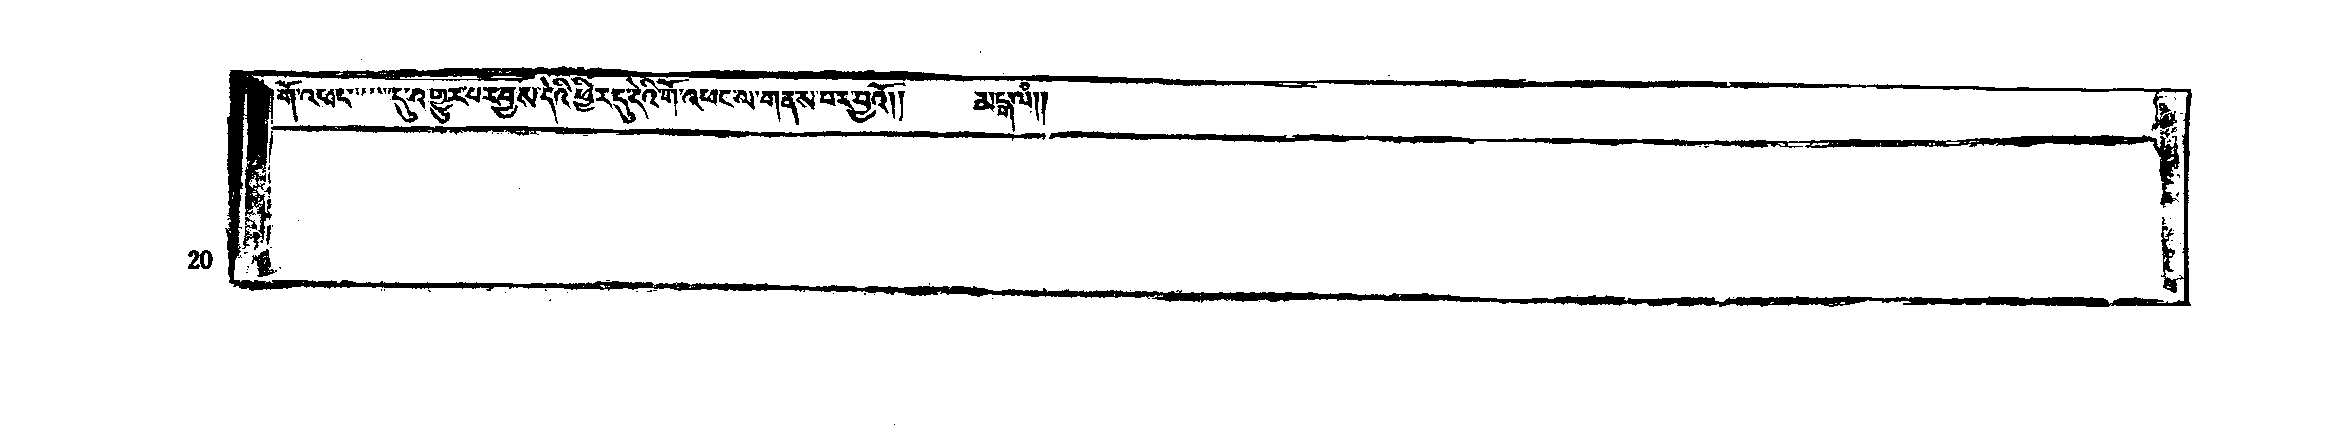གོ་འཕང་དུ་འགྱུར་པར་བྱས་དེའི་ཕྱིར་དུ་དེའི་གོ་འཕང་ལ་གནས་པར་བྱའོ། །མངྒ་ལཾ།།